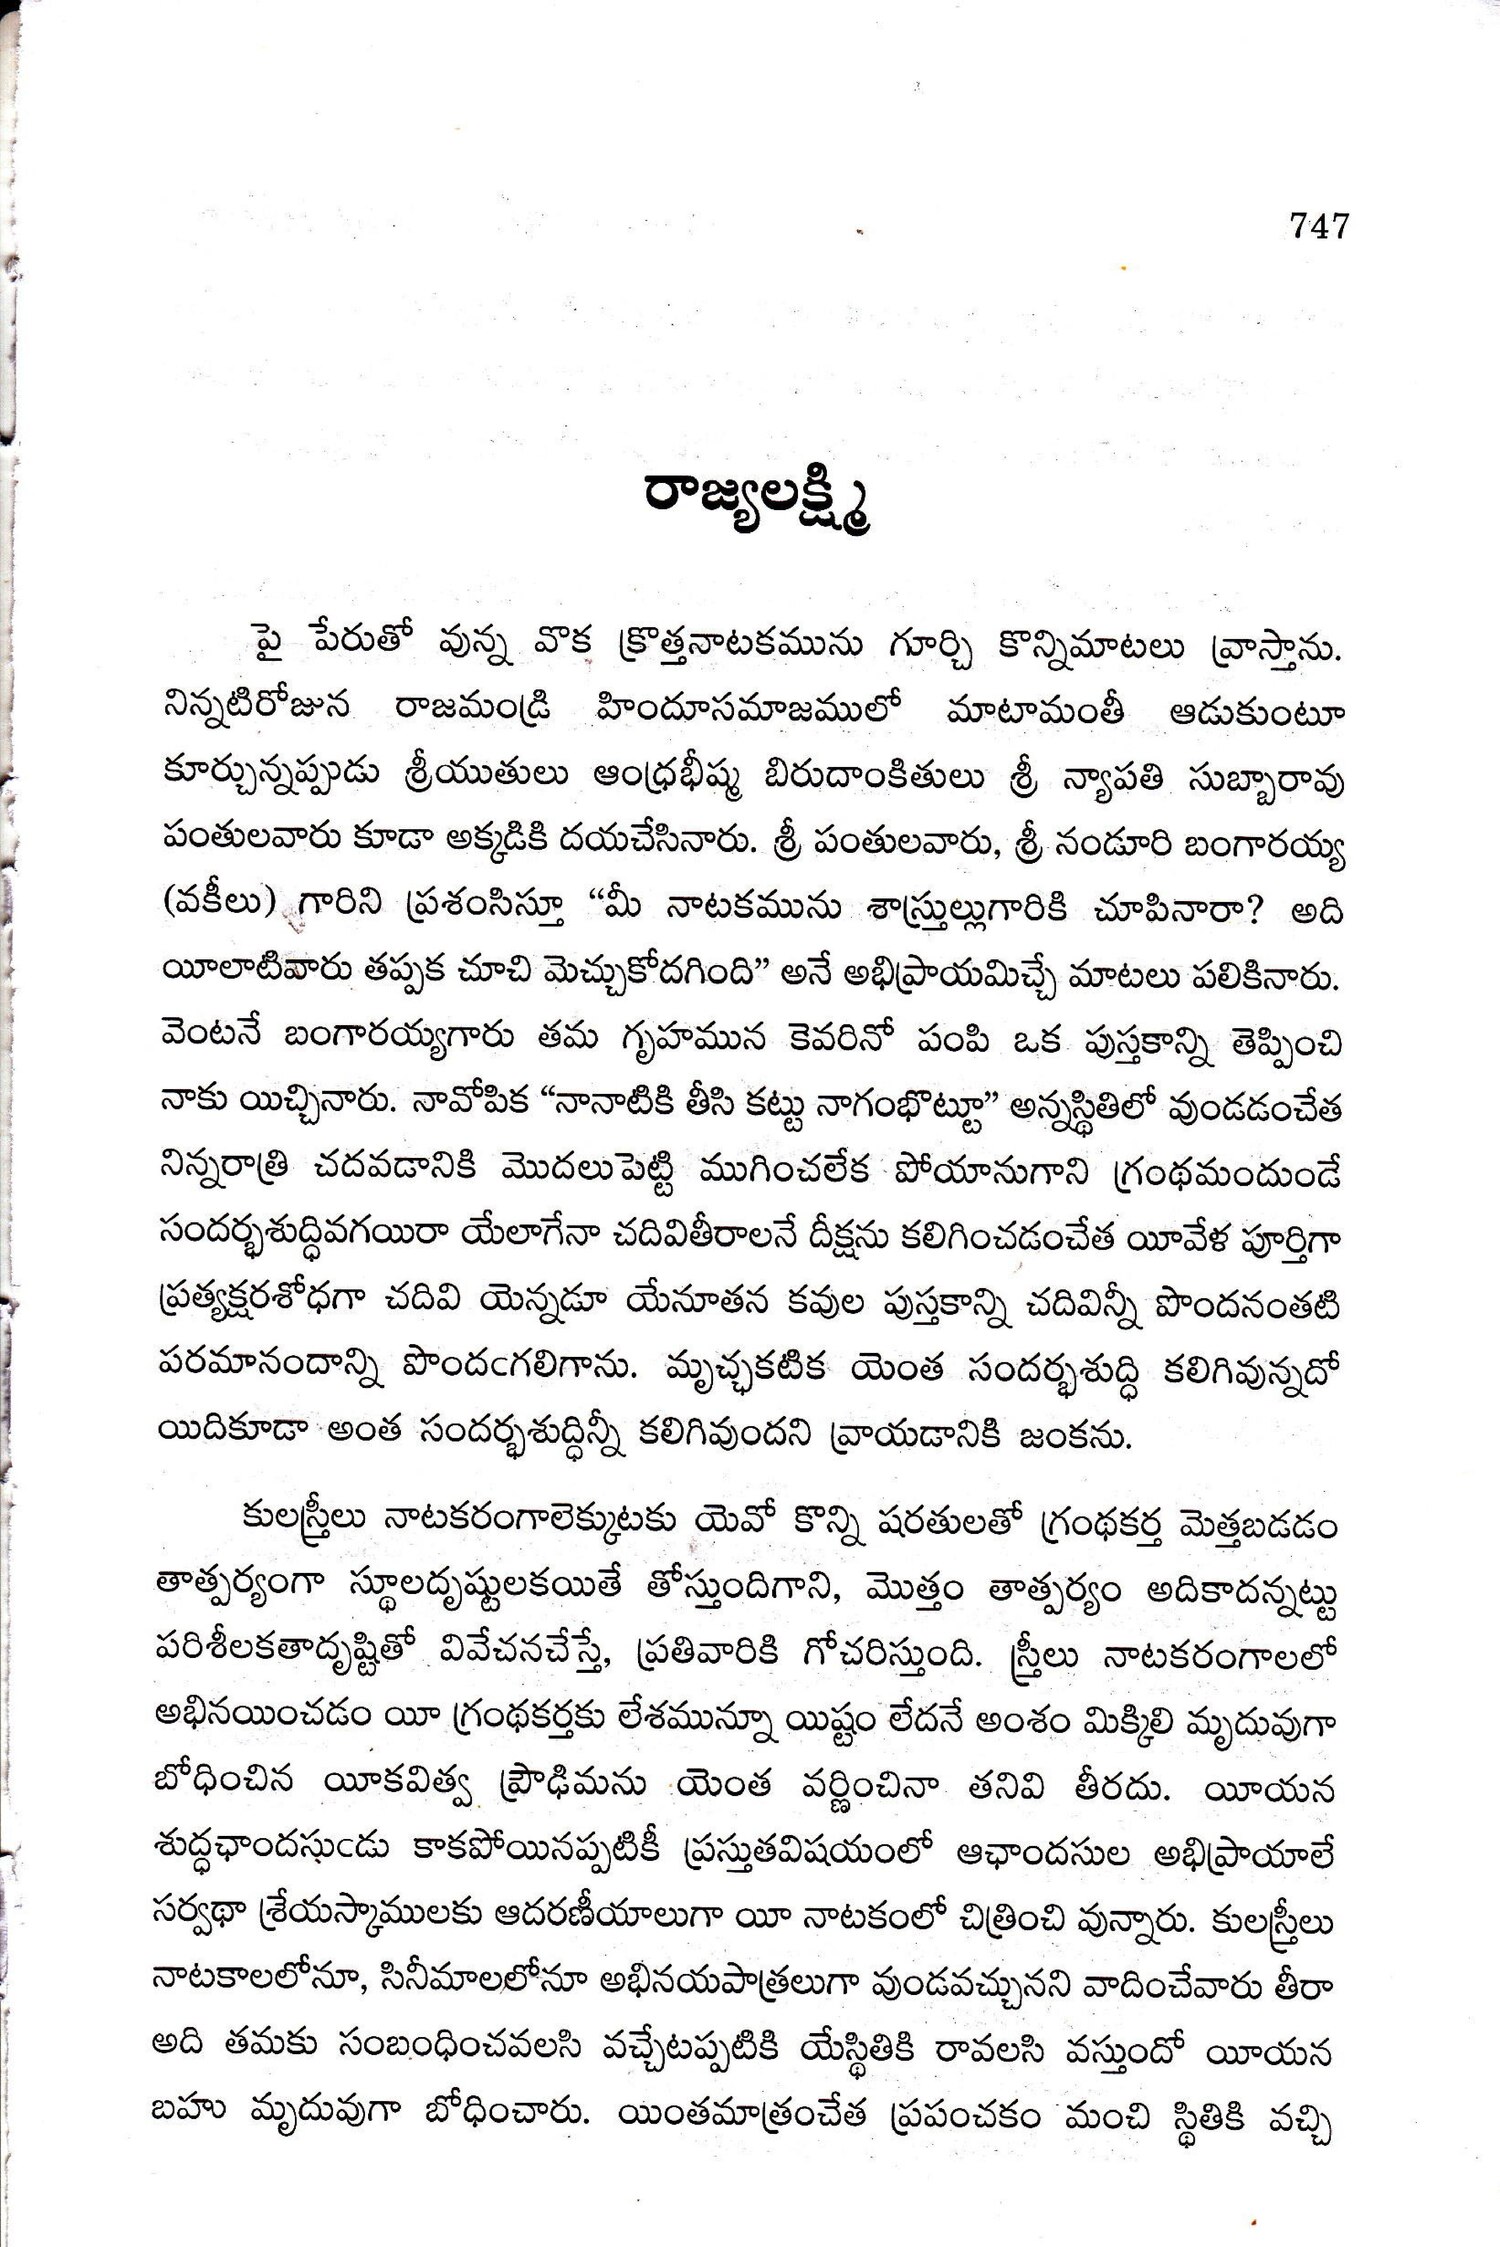రాజ్యలక్ష్మి

పై పేరుతో వున్న వొక క్రొత్తనాటకమును గూర్చి కొన్నిమాటలు వ్రాస్తాను. నిన్నటిరోజున రాజమండ్రి హిందూసమాజములో మాటామంతీ ఆడుకుంటూ కూర్చున్నప్పుడు శ్రీయుతులు ఆంధ్రభీష్మ బిరుదాంకితులు శ్రీ న్యాపతి సుబ్బారావు పంతులవారు కూడా అక్కడికి దయచేసినారు. శ్రీ పంతులవారు, శ్రీ నండూరి బంగారయ్య (వకీలు) గారిని ప్రశంసిస్తూ "మీ నాటకమును శాస్త్రుల్లుగారికి చూపినారా? అది యీలాటివారు తప్పక చూచి మెచ్చుకోదగింది” అనే అభిప్రాయమిచ్చే మాటలు పలికినారు. వెంటనే బంగారయ్యగారు తమ గృహమున కెవరినో పంపి ఒక పుస్తకాన్ని తెప్పించి నాకు యిచ్చినారు. నావోపిక "నానాటికి తీసి కట్టు నాగంభొట్టూ" అన్నస్థితిలో వుండడంచేత నిన్నరాత్రి చదవడానికి మొదలుపెట్టి ముగించలేక పోయానుగాని గ్రంథమందుండే సందర్భశుద్ధివగయిరా యేలాగేనా చదివితీరాలనే దీక్షను కలిగించడంచేత యీవేళ పూర్తిగా ప్రత్యక్షరశోధగా చదివి యెన్నడూ యేనూతన కవుల పుస్తకాన్ని చదివిన్నీ పొందనంతటి పరమానందాన్ని పొందఁగలిగాను. మృచ్ఛకటిక యెంత సందర్భశుద్ధి కలిగివున్నదో యిదికూడా అంత సందర్భశుద్ధిన్నీ కలిగివుందని వ్రాయడానికి జంకను.

కులస్త్రీలు నాటకరంగాలెక్కుటకు యెవో కొన్ని షరతులతో గ్రంథకర్త మెత్తబడడం తాత్పర్యంగా స్థూలదృష్టులకయితే తోస్తుందిగాని, మొత్తం తాత్పర్యం అదికాదన్నట్టు పరిశీలకతాదృష్టితో వివేచనచేస్తే, ప్రతివారికి గోచరిస్తుంది. స్త్రీలు నాటకరంగాలలో అభినయించడం యీ గ్రంథకర్తకు లేశమున్నూ యిష్టం లేదనే అంశం మిక్కిలి మృదువుగా బోధించిన యీకవిత్వ ప్రౌఢిమను యెంత వర్ణించినా తనివి తీరదు. యీయన శుద్ధఛాందసుఁడు కాకపోయినప్పటికీ ప్రస్తుతవిషయంలో ఆఛాందసుల అభిప్రాయాలే సర్వథా శ్రేయస్కాములకు ఆదరణీయాలుగా యీ నాటకంలో చిత్రించి వున్నారు. కులస్త్రీలు నాటకాలలోనూ, సినీమాలలోనూ అభినయపాత్రలుగా వుండవచ్చునని వాదించేవారు తీరా అది తమకు సంబంధించవలసి వచ్చేటప్పటికి యేస్థితికి రావలసి వస్తుందో యీయన బహు మృదువుగా బోధించారు. యింతమాత్రంచేత ప్రపంచకం మంచి స్థితికి వచ్చి